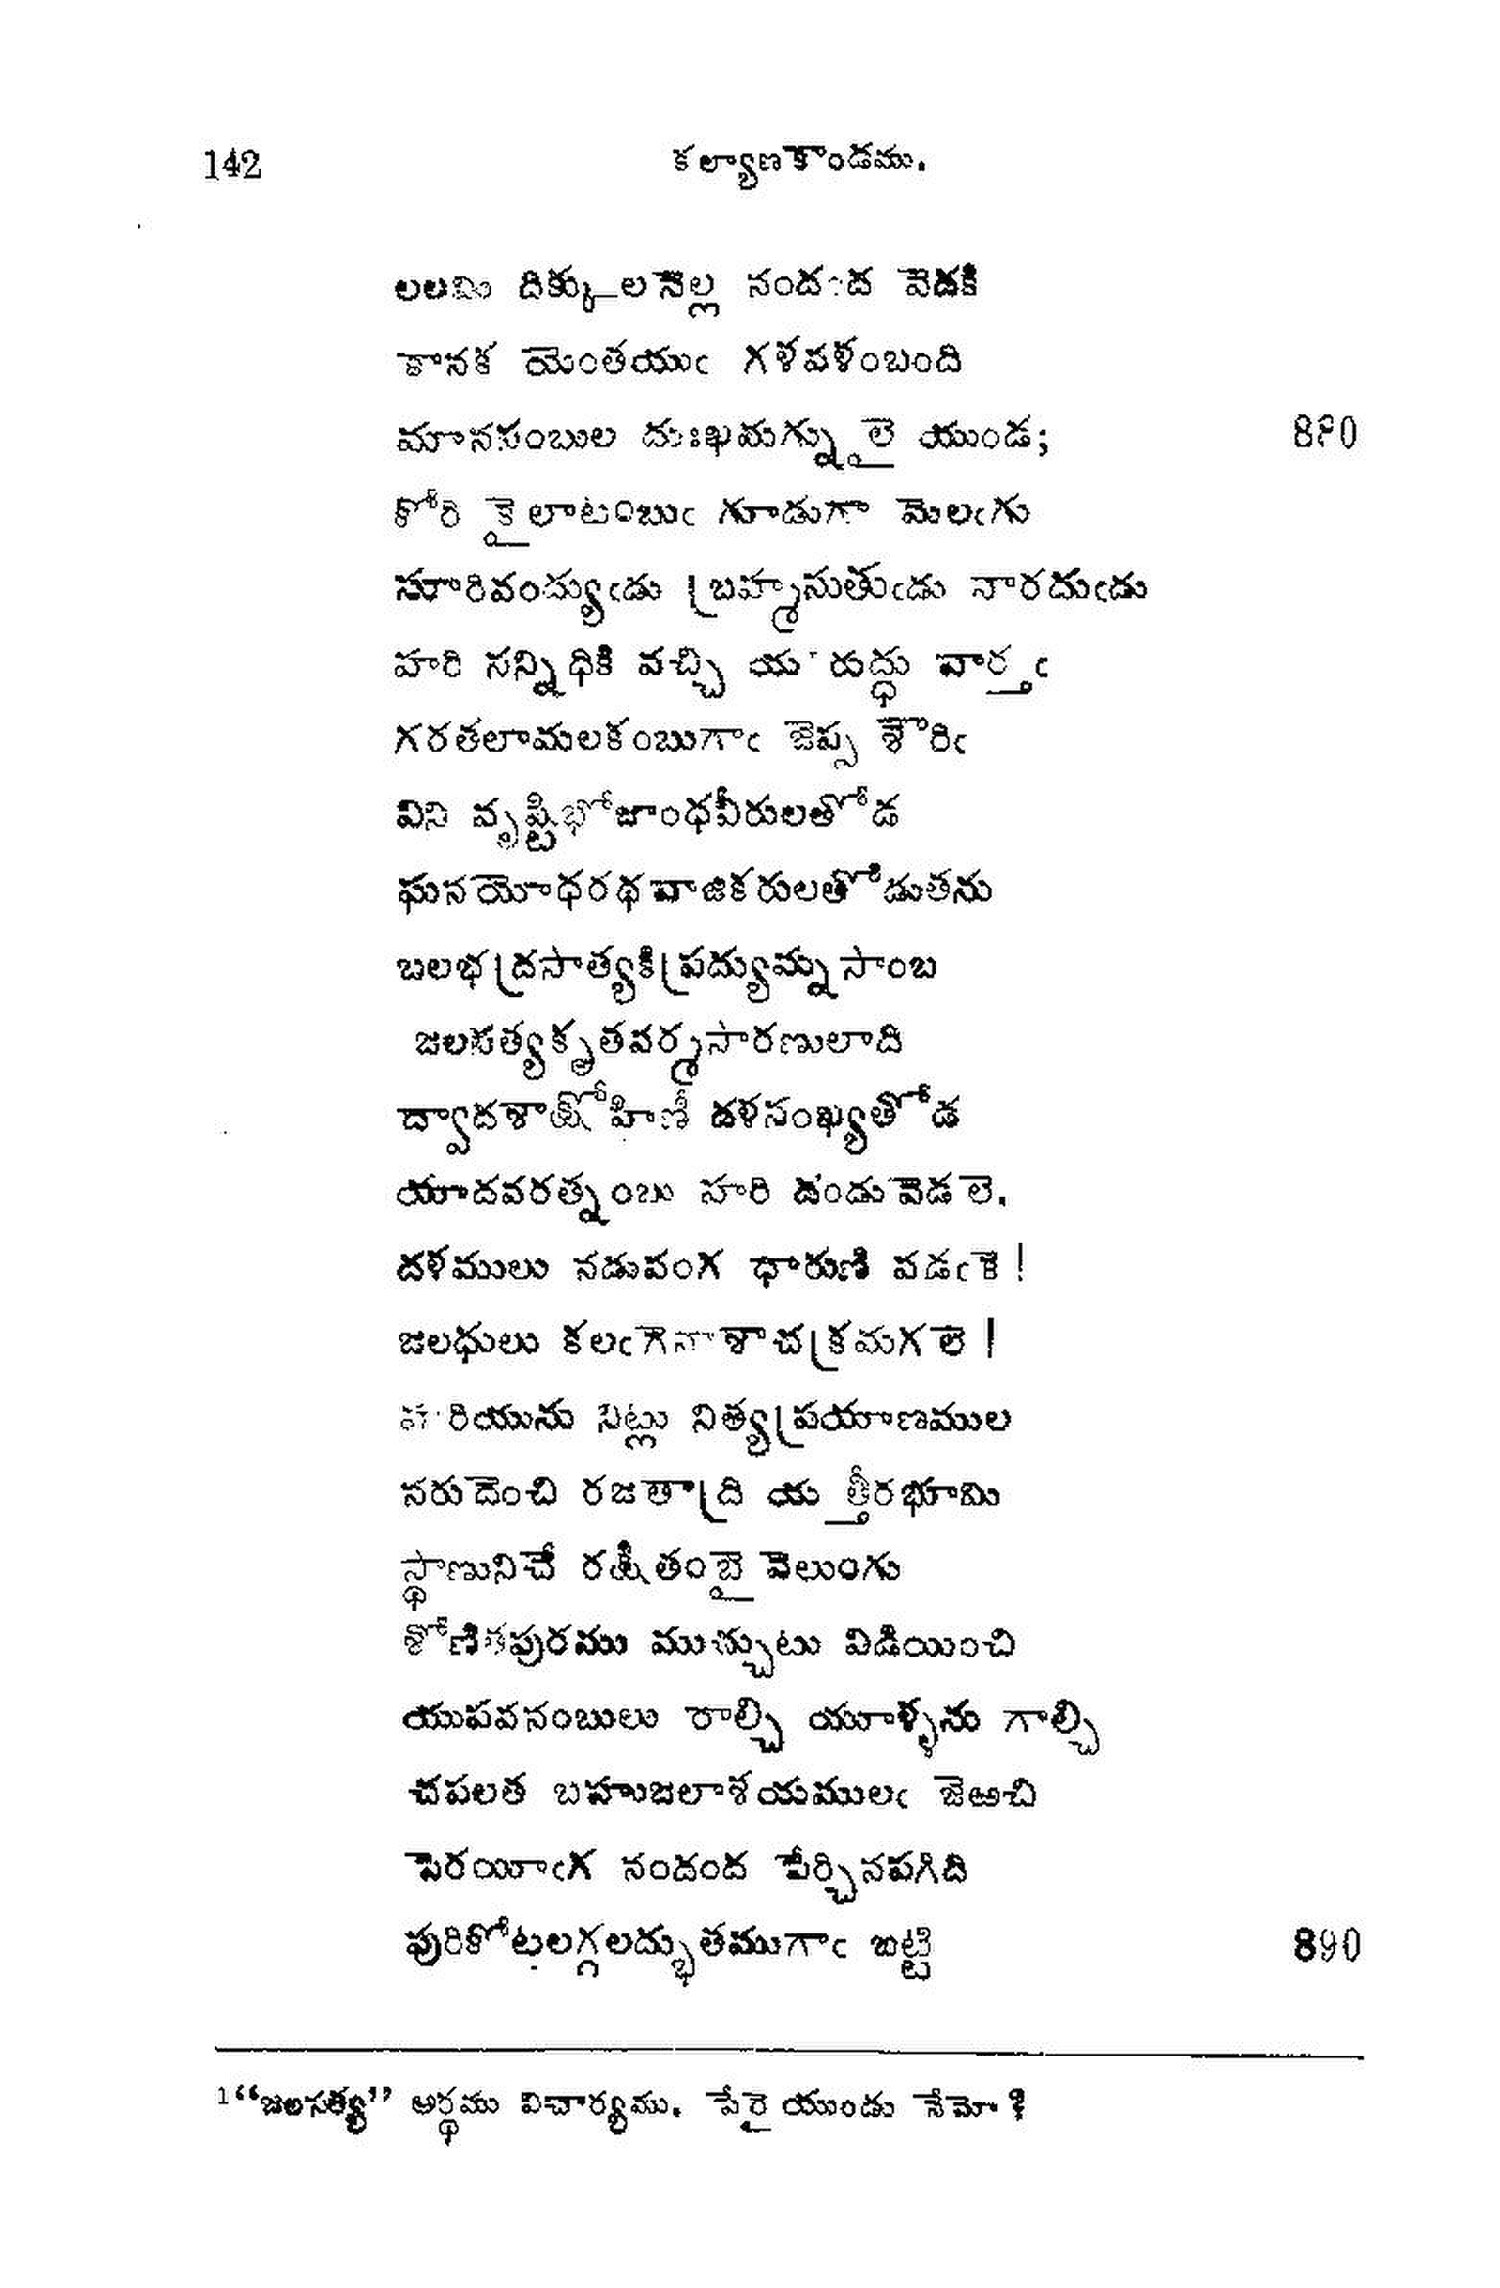లలమి దిక్కులనెల్ల నందంద వెదకి
కానక యెంతయుఁ గళవళంబంది
మానసంబుల దుఃఖమగ్నులై యుండ;
కోరి కైలాటంబుఁ గూడుగా మెలఁగు
నూరివంద్యుఁడు బ్రహ్మసుతుఁడు నారదుఁడు
హరి సన్నధికి వచ్చి యనిరుద్ధువార్తఁ
గరతలామలకంబుగాఁ జెప్ప శౌరిఁ
విని వృష్టిభోజాంధవీరులతోడ
ఘనయోధరథవాజికరులతోడుతను
బలభద్రసాత్యకిప్రద్యుమ్నసాంబ
జలసత్యకృతవర్మసారణులాది
ద్వాదశాక్షోహిణీ దళసంఖ్యతోడ
యాదవరత్నంబు హరి దండువెడలె. 
దళములు నడువంగ ధారుణి వడఁకె! 
జలధులు కలఁగెనాశాచక్రమగలె! 
హరియును నిట్లు నిత్యప్రయాణముల
నరుదెంచి రజతాద్రి యత్తీరభూమి 
స్థాణునిచే రక్షితంబై వెలుంగు
శోణితపురము ముచ్చుటు విడియించి
యుపవనంబులు రాల్చియూళ్ళను గాల్చి
చపలత బహుజలాశయములఁ జెఱచి
పెరయీఁగ నందంద పేర్చిన పగిది
పురికోటలగ్గలద్భుతముగాఁ బట్టి